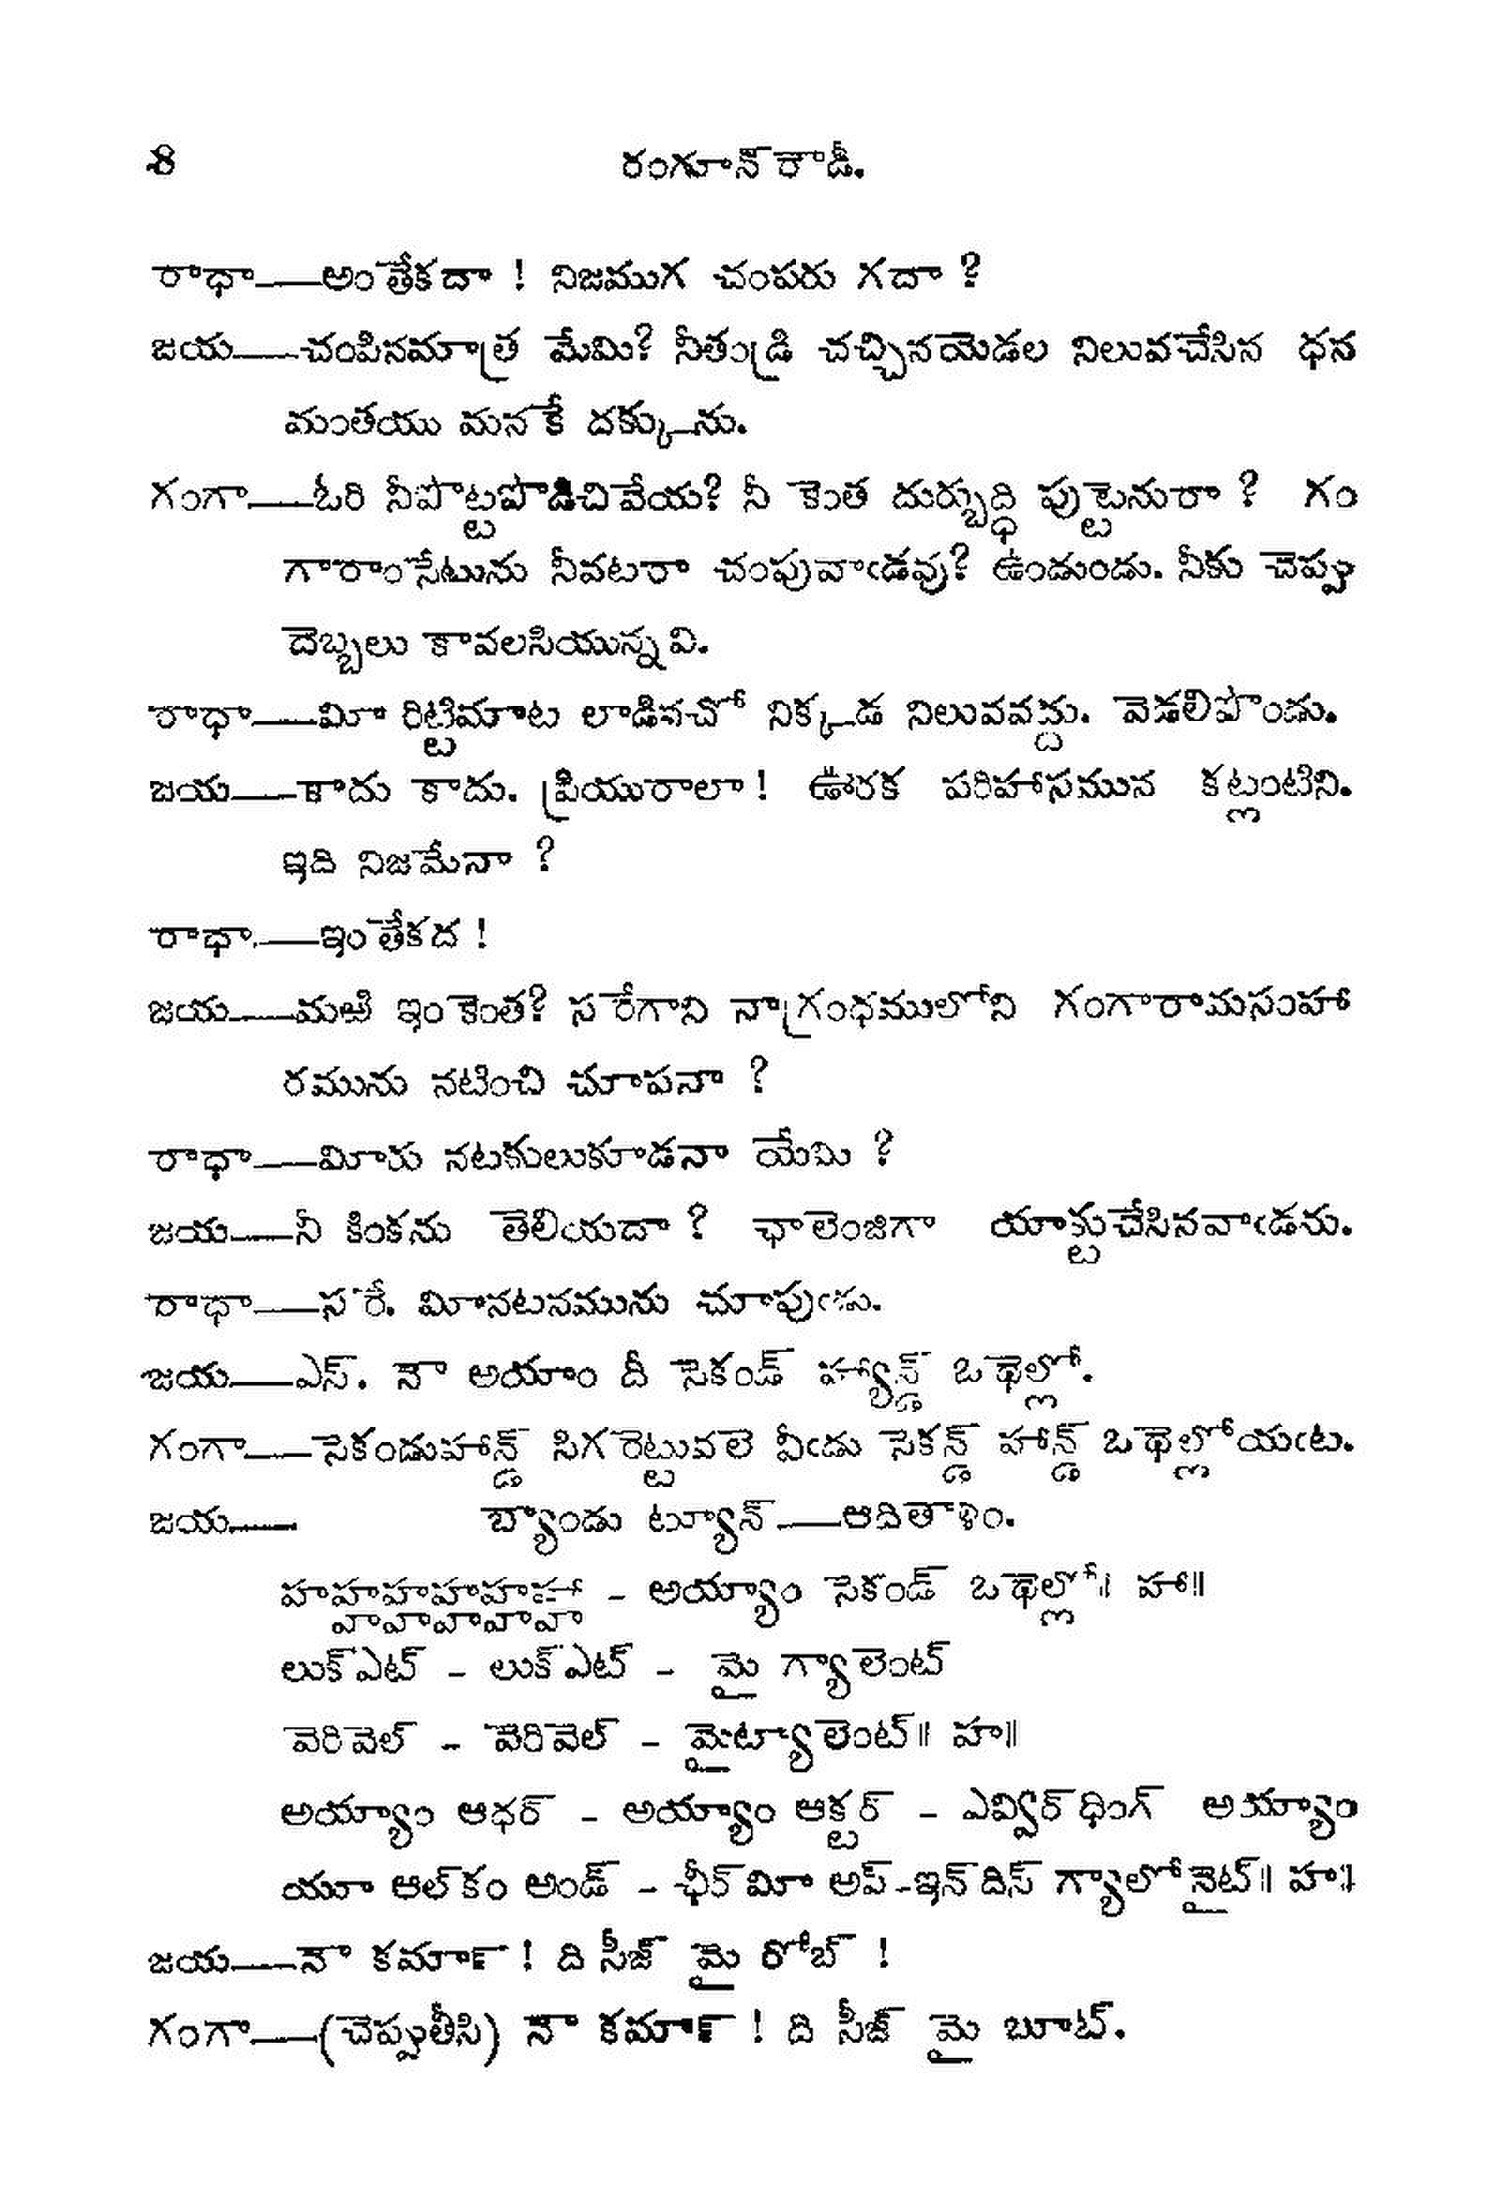రాధా - అంతేకదా ! నిజముగ చంపరు గదా?

జయ - చంపినమాత్ర మేమి? నీతండ్రి చచ్చినయెడల నిలువచేసిన ధనమంతయు మనకే దక్కును.

గంగా - ఓరి నీపొట్టపొడిచివేయ? నీ కెంత దుర్బుద్ధి పుట్టెనురా ? గంగారాంసేటును నీవటరా చంపువాఁడవు? ఉండుండు. నీకు చెప్పుదెబ్బలు కావలసియున్నవి.

రాధా - మీ రిట్టిమాట లాడినచో నిక్కడ నిలువవద్దు. వెడలిపొండు.

జయ - కాదు కాదు. ప్రియురాలా ! ఊరక పరిహాసమున కట్లంటిని. ఇది నిజమేనా ?

రాధా - ఇంతేకద !

జయ - మఱి ఇంకెంత? సరేగాని నాగ్రంధములోని గంగారామసంహారమును నటించి చూపనా ?

రాధా - మీరు నటకులుకూడనా యేమి ?

జయ - నీ కింకను తెలియదా? ఛాలెంజిగా యాక్టుచేసినవాఁడను.

రాధా - సరే. మీనటనమును చూపుఁడు.

జయ - ఎస్. నౌ అయాం దీ సెకండ్ హ్యాన్డ్ ఒథెల్లో

గంగా -- సెకండుహాన్డ్ సిగరెట్టువలె వీఁడు సెకన్డ్ హాన్డ్ ఒథెల్లోయఁట.

జయ - బ్యాండు ట్యూన్ -- ఆదితాళం.

హహ్హహ్హహ్హహ్హహ్హా - అయ్యాం సెకండ్ ఒథెల్లో!! హా!!
లుక్‌ఎట్ - లుక్‌ ట్ - మై గ్యాలెంట్
వెరివెల్ - వెరి వెల్ - మైట్యాలెంట్ || హ||
అయ్యాం ఆధర్ - అయ్యాం ఆక్టర్ - ఎవ్విర్‌ధింగ్ అయ్యాం
యూ ఆల్‌కం అండ్ - చీఫ్ మీ అప్ -ఇన్‌దిస్ గ్యాలోనైట్ || హ||
జయ - నౌ కమాన్ ! ది సీజ్ మై రోబ్ !

గంగా - (చెప్పుతీసి) నౌ కమాన్ ! ది సీజ్ మై బూట్.